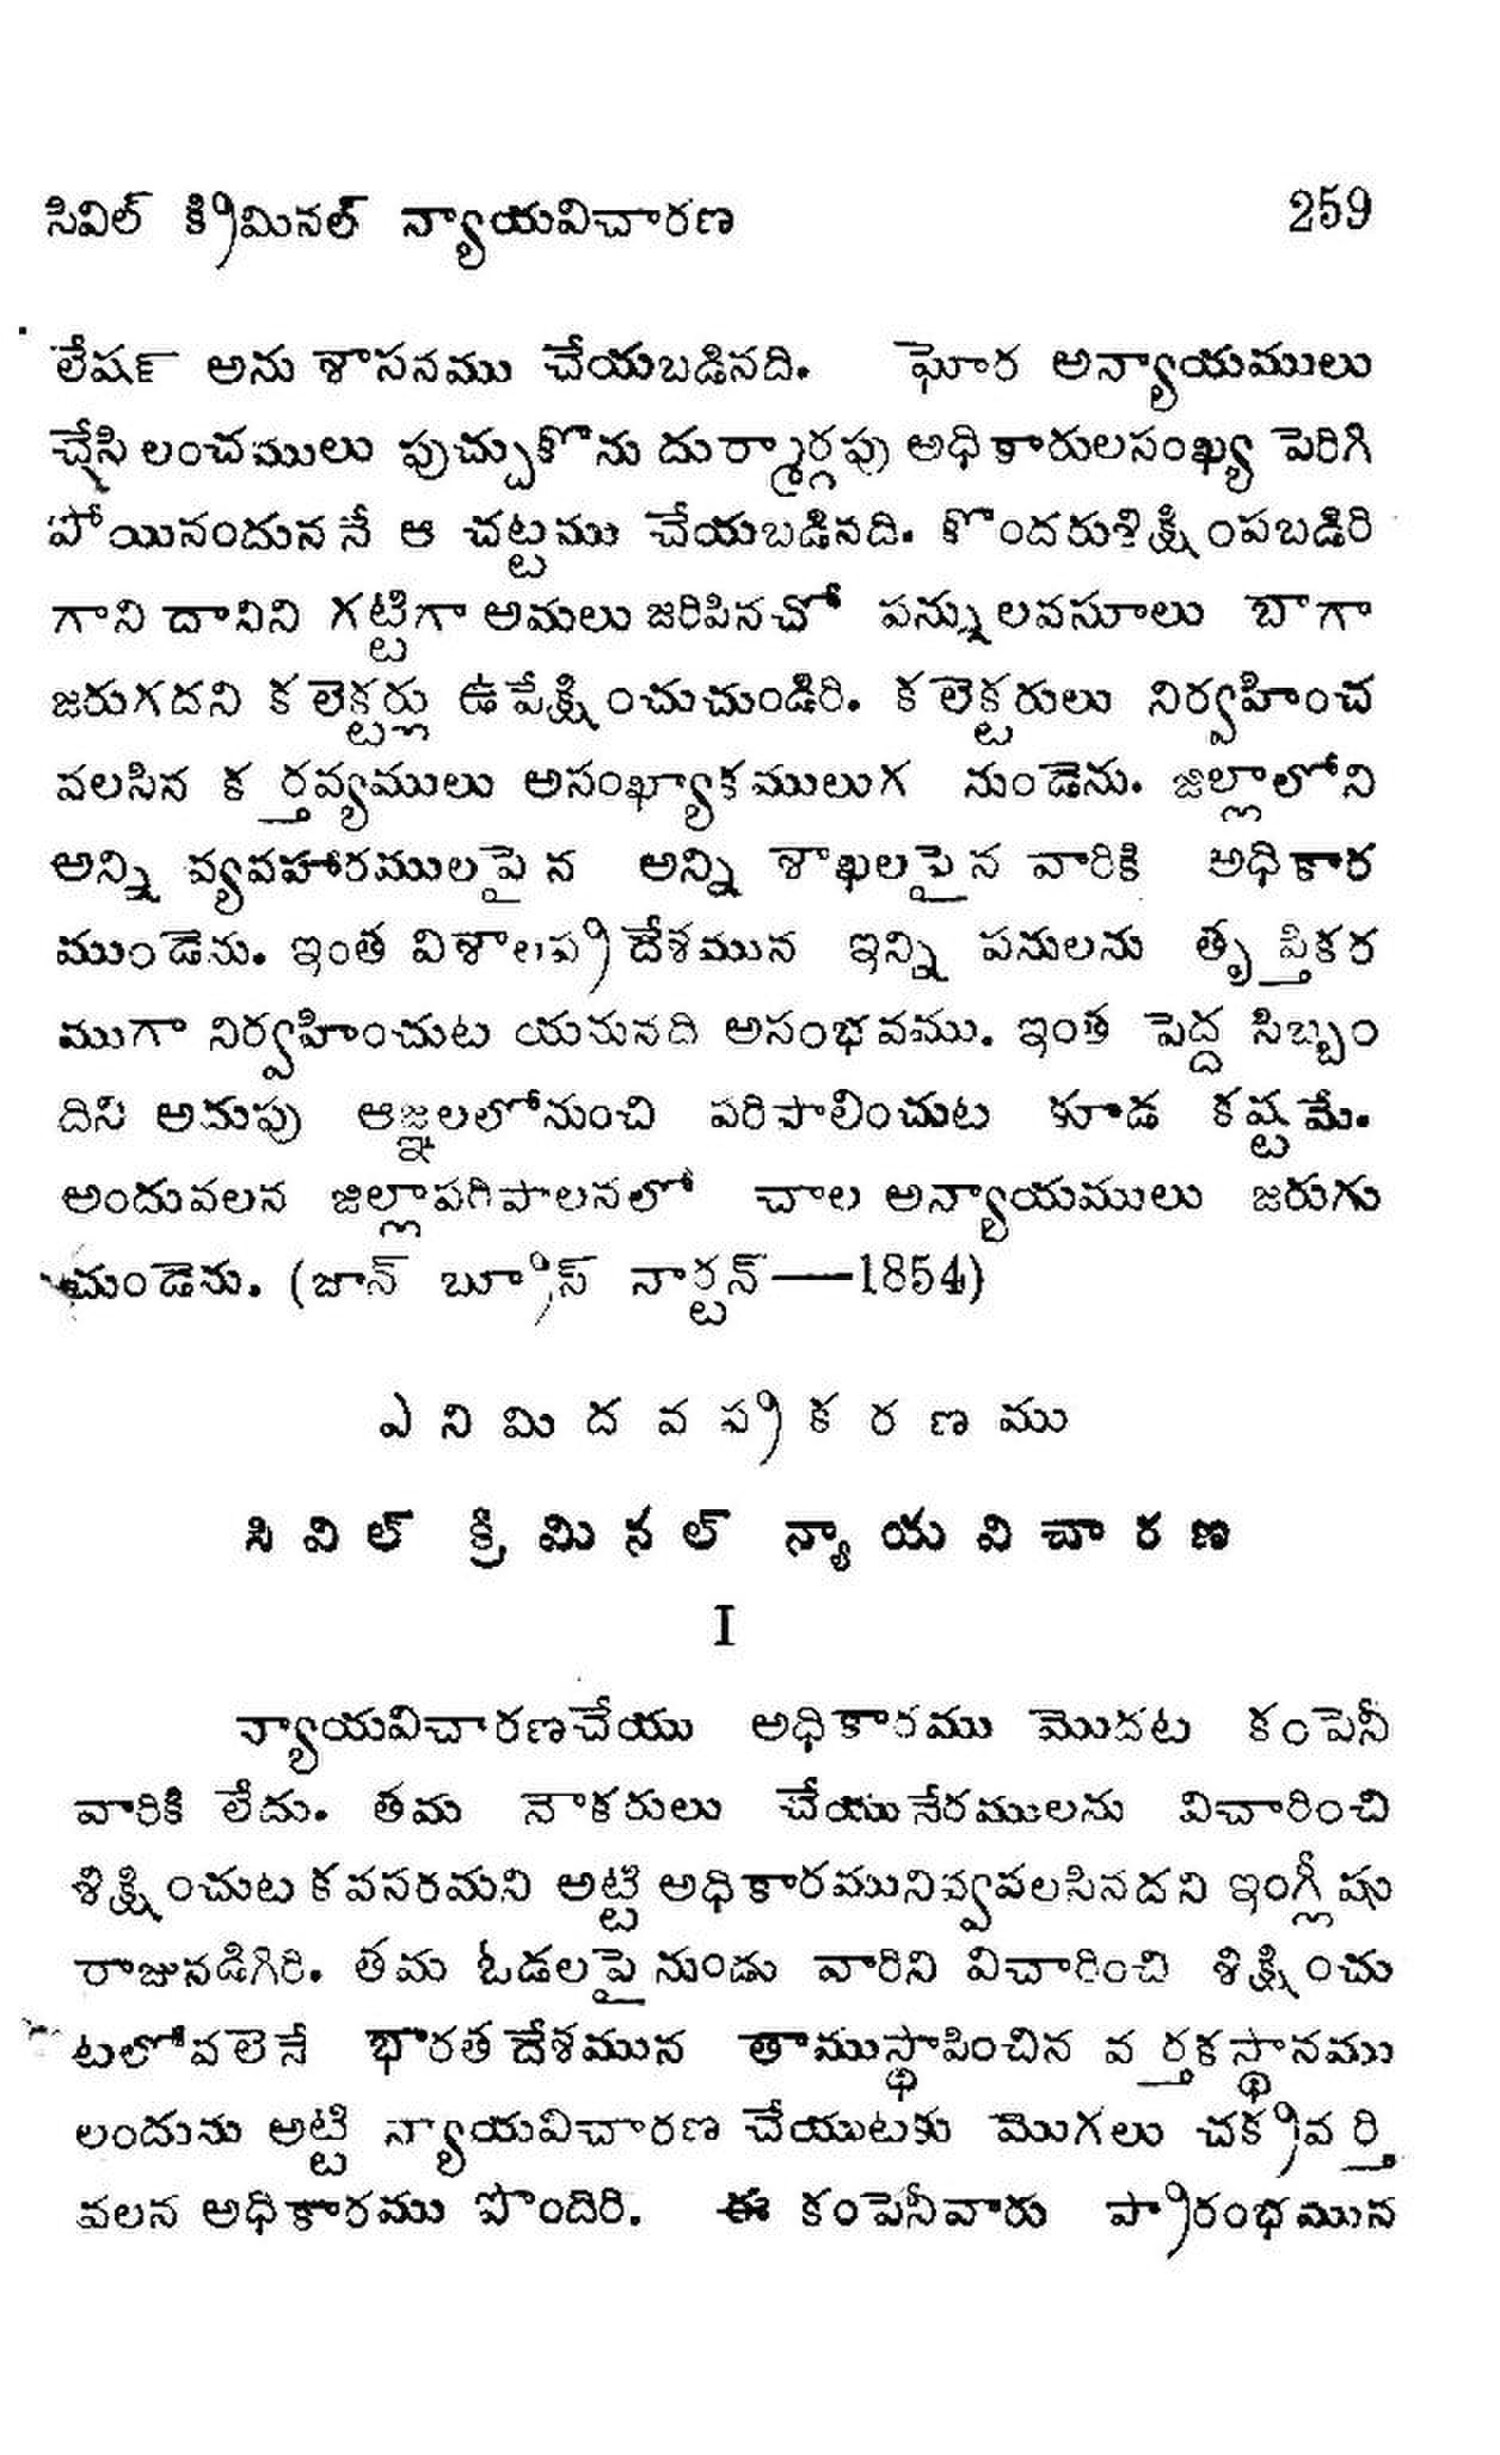లేష౯ అనుశాసనము చేయబడినది. ఘోర అన్యాయములుచేసి లంచములు పుచ్చుకొను దుర్మార్గపు అధికారులసంఖ్య పెరిగి పోయినందుననే ఆ చట్టము చేయబడినది. కొందరుశిక్షింపబడిరి గాని దానిని గట్టిగా అమలు జరిపినచో పన్నులవసూలు బాగా జరుగదని కలెక్టర్లు ఉపేక్షించుచుండిరి. కలెక్టరులు నిర్వహించవలసిన కర్తవ్యములు అసంఖ్యాకములుగ నుండెను. జిల్లాలోని అన్ని వ్యవహారములపైన అన్ని శాఖలపైన వారికి అధికారముండెను. ఇంత విశాలప్రదేశమున ఇన్ని పనులను తృప్తికరముగా నిర్వహించుట యనునది అసంభవము. ఇంత పెద్ద సిబ్బందిని అదుపు ఆజ్ఞలలోనుంచి పరిపాలించుట కూడ కష్టమే. అందువలన జిల్లాపరిపాలనలో చాల అన్యాయములు జరుగుచుండెను. (జాన్ బ్రూస్ నార్టన్ —-1854)

ఎనిమిదవ ప్రకరణము 
సివిల్ క్రిమినల్ న్యాయవిచారణ
I

న్యాయవిచారణచేయు అధికారము మొదట కంపెనీవారికి లేదు. తమ నౌకరులు చేయునేరములను విచారించి శిక్షించుట కవసరమని అట్టి అధికారమునివ్వవలసినదని ఇంగ్లీషు రాజునడిగిరి. తమ ఓడలపై నుండు వారిని విచారించి శిక్షించుటలోవలెనే భారతదేశమున తాము స్థాపించిన వర్తకస్థానము లందును అట్టి న్యాయవిచారణ చేయుటకు మొగలు చక్రవర్తివలన అధికారము పొందిరి. ఈ కంపెనీవారు ప్రారంభమున